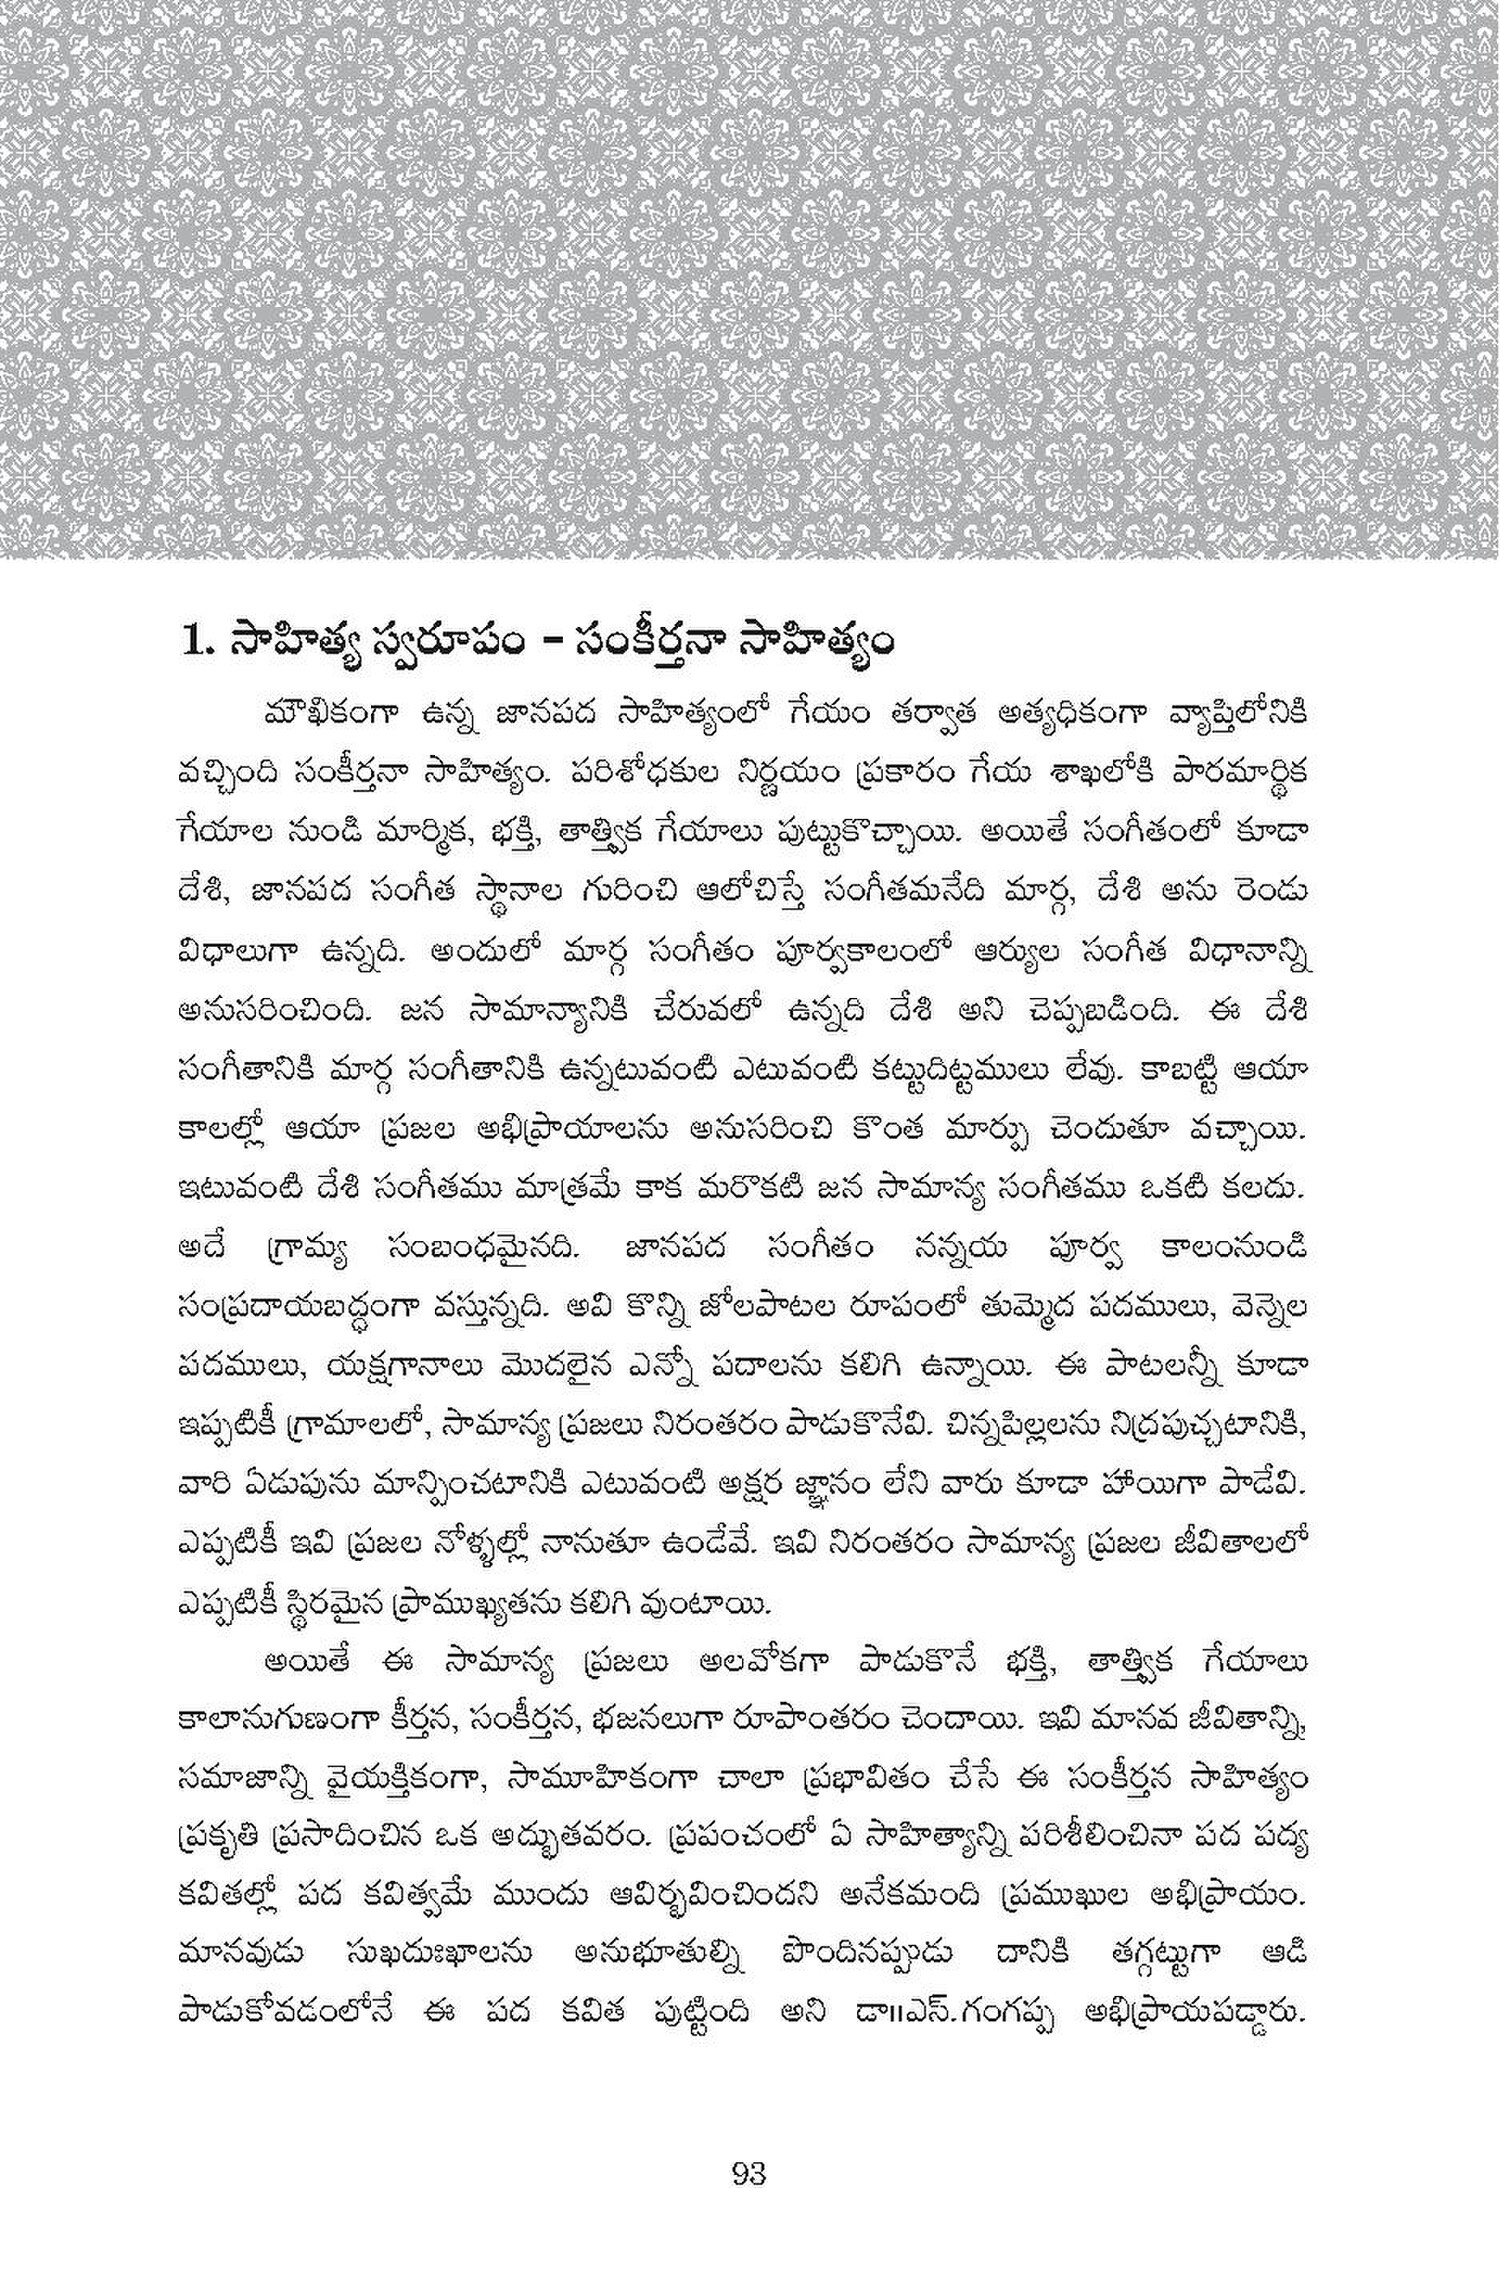1. సాహిత్య స్వరూపం - సంకీర్తనా సాహిత్యం 

మౌఖికంగా ఉన్న జానపద సాహిత్యంలో గేయం తర్వాత అత్యధికంగా వ్యాప్తిలోనికి వచ్చింది సంకీర్తనా సాహిత్యం. పరిశోధకుల నిర్ణయం ప్రకారం గేయ శాఖలోకి పారమార్థిక గేయాల నుండి మార్మిక, భక్తి, తాత్త్విక గేయాలు పుట్టుకొచ్చాయి. అయితే సంగీతంలో కూడా దేశి, జానపద సంగీత స్థానాల గురించి ఆలోచిస్తే సంగీతమనేది మార్గ, దేశి అను రెండు
విధాలుగా ఉన్నది. అందులో మార్గ సంగీతం పూర్వకాలంలో ఆర్యుల సంగీత విధానాన్ని అనుసరించింది. జన సామాన్యానికి చేరువలో ఉన్నది దేశి అని చెప్పబడింది. ఈ దేశి సంగీతానికి మార్గ సంగీతానికి ఉన్నటువంటి ఎటువంటి కట్టుదిట్టములు లేవు. కాబట్టి ఆయా కాలల్లో ఆయా ప్రజల అభిప్రాయాలను అనుసరించి కొంత మార్పు చెందుతూ వచ్చాయి. ఇటువంటి దేశి సంగీతము మాత్రమే కాక మరొకటి జన సామాన్య సంగీతము ఒకటి కలదు. అదే గ్రామ్య సంబంధమైనది. జానపద సంగీతం నన్నయ పూర్వ కాలంనుండి సంప్రదాయబద్ధంగా వస్తున్నది. అవి కొన్ని జోలపాటల రూపంలో తుమ్మెద పదములు, వెన్నెల పదములు, యక్షగానాలు మొదలైన ఎన్నో పదాలను కలిగి ఉన్నాయి. ఈ పాటలన్నీ కూడా ఇప్పటికీ గ్రామాలలో, సామాన్య ప్రజలు నిరంతరం పాడుకొనేవి. చిన్నపిల్లలను నిద్రపుచ్చటానికి,
వారి ఏడుపును మాన్పించటానికి ఎటువంటి అక్షర జ్ఞానం లేని వారు కూడా హాయిగా పాడేవి. ఎప్పటికీ ఇవి ప్రజల నోళ్ళల్లో నానుతూ ఉండేవే. ఇవి నిరంతరం సామాన్య ప్రజల జీవితాలలో ఎప్పటికీ స్థిరమైన ప్రాముఖ్యతను కలిగి వుంటాయి.

అయితే ఈ సామాన్య ప్రజలు అలవోకగా పాడుకొనే భక్తి, తాత్త్విక గేయాలు కాలానుగుణంగా కీర్తన, సంకీర్తన, భజనలుగా రూపాంతరం చెందాయి. ఇవి మానవ జీవితాన్ని, సమాజాన్ని వైయక్తికంగా, సామూహికంగా చాలా ప్రభావితం చేసే ఈ సంకీర్తన సాహిత్యం ప్రకృతి ప్రసాదించిన ఒక అద్భుతవరం. ప్రపంచంలో ఏ సాహిత్యాన్ని పరిశీలించినా పద పద్య
కవితల్లో పద కవిత్వమే ముందు ఆవిర్భవించిందని అనేకమంది ప్రముఖుల అభిప్రాయం. మానవుడు సుఖదుఃఖాలను అనుభూతుల్ని పొందినప్పుడు దానికి తగ్గట్టుగా ఆడి పాడుకోవడంలోనే ఈ పద కవిత పుట్టింది అని డా౹౹ఎస్. గంగప్ప అభిప్రాయపడ్డారు.